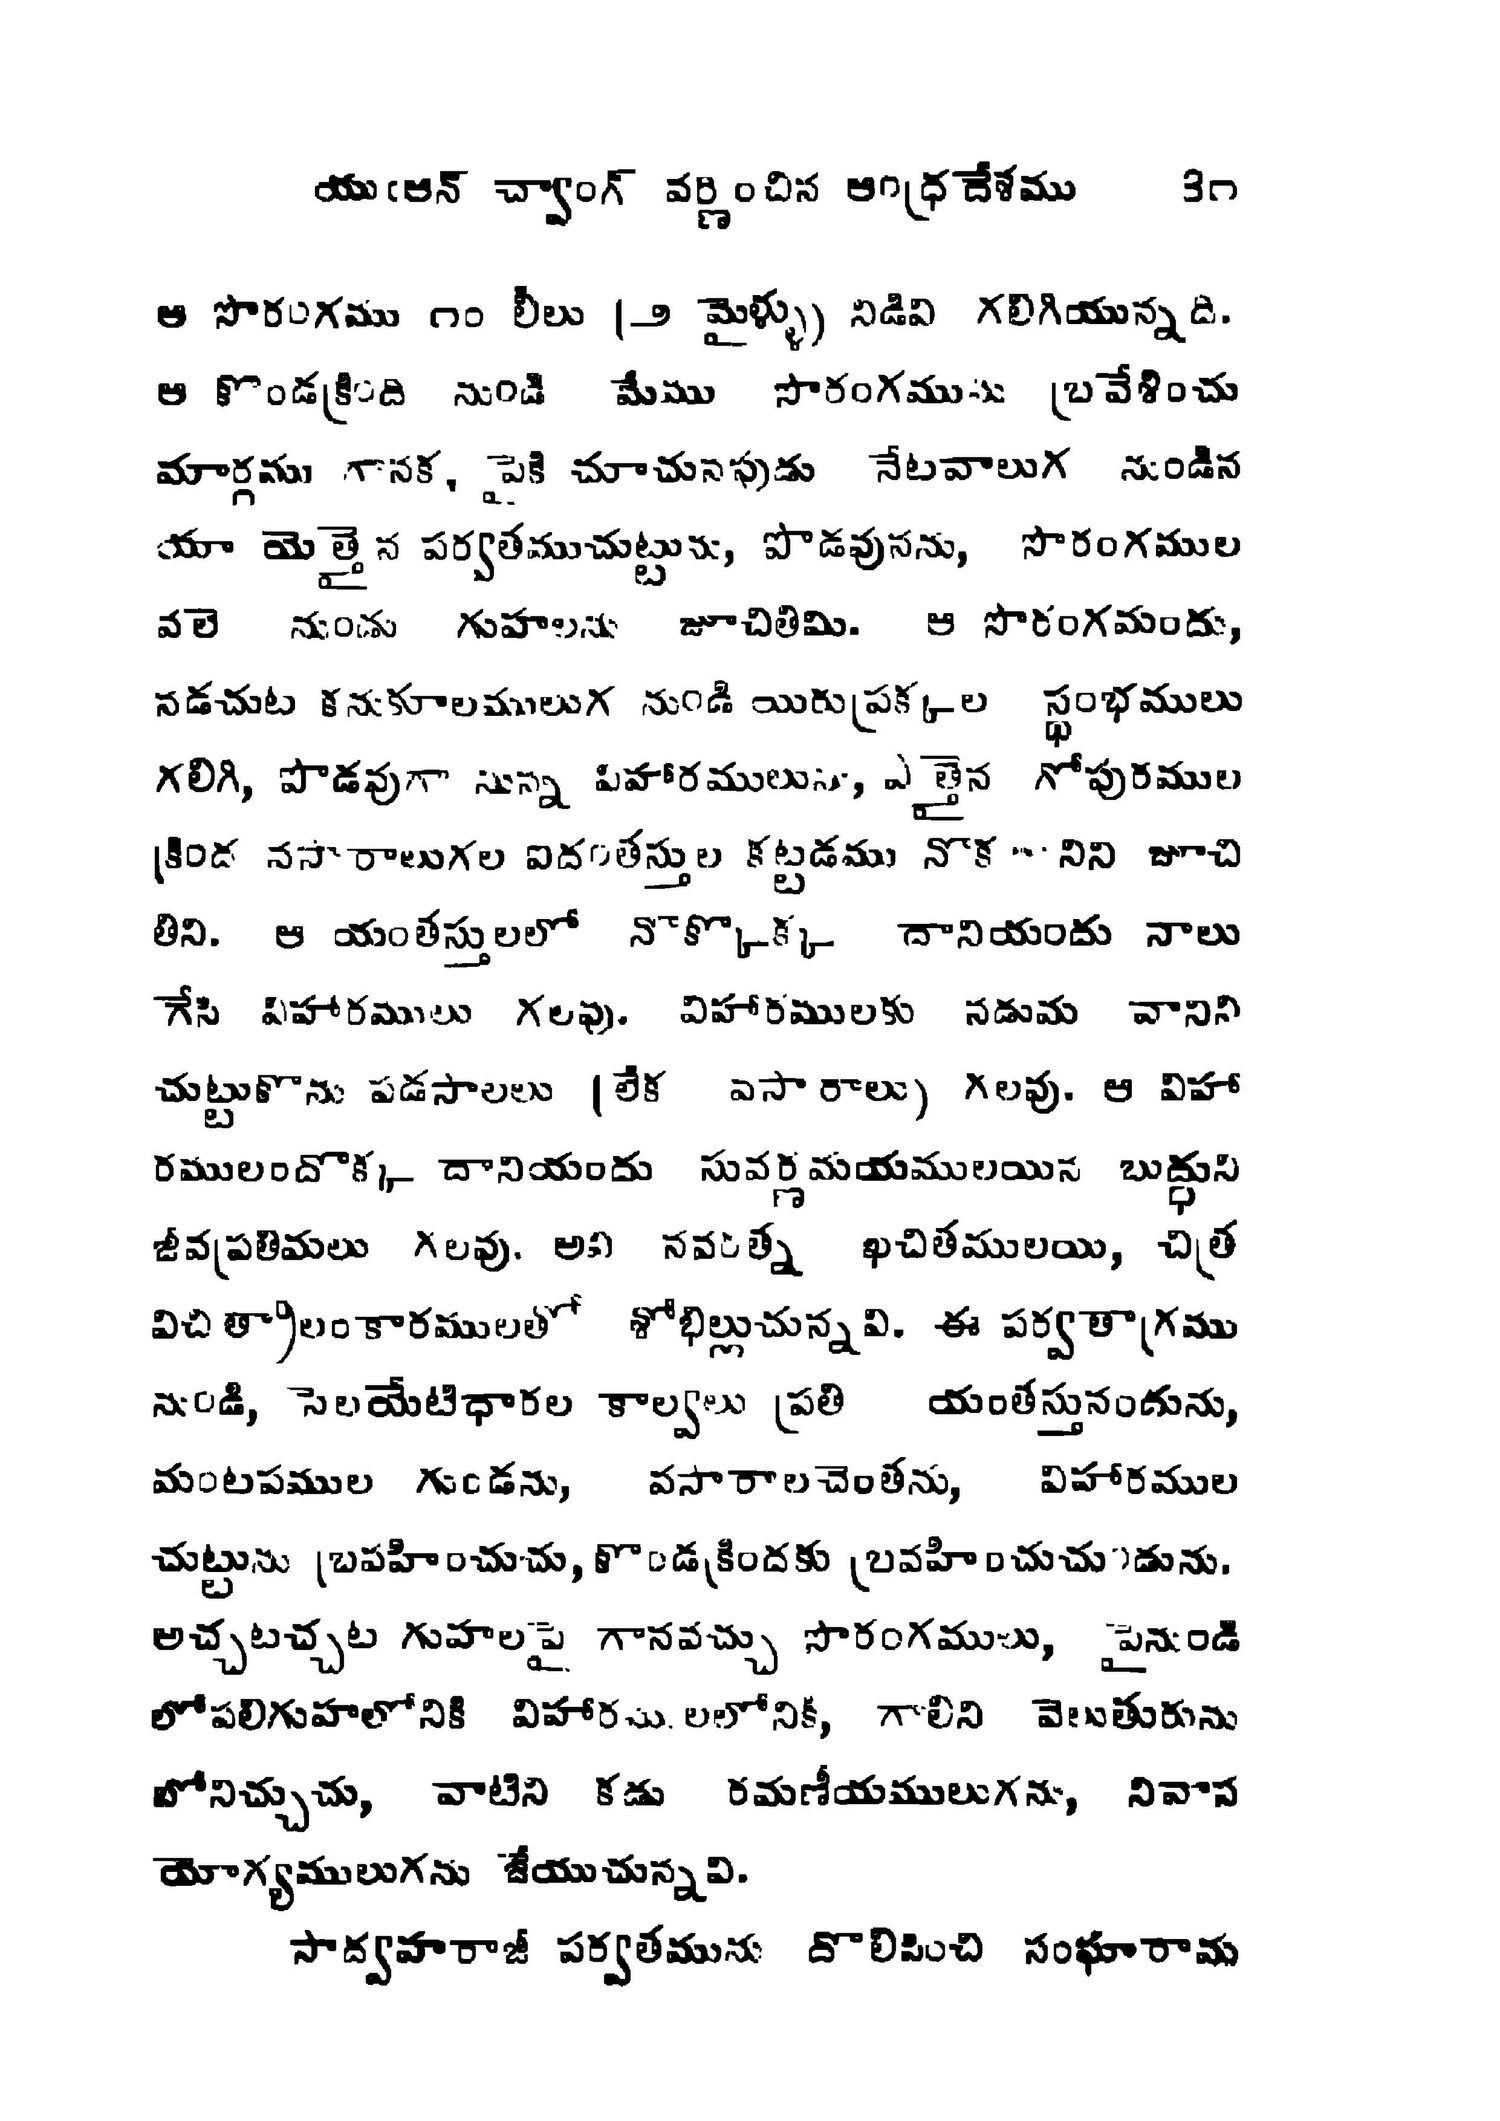ఆ సొరంగము 10 లీలు (6 మైళ్ళు) నిడివి గలిగియున్నది. ఆ కొండక్రింది నుండి మేము సొరంగమును బ్రవేశించు మార్గము గానక, పైకి చూచునప్పుడు నేటవాలుగ నుండిన యా యెత్తైన పర్వతముచుట్టును, పొడవునను, సొరంగములవలె నుండు గుహలను జూచితిమి. ఆ సొరంగమందు, నడచుట కనుకూలములుగ నుండి యిరుప్రక్కల స్థంభములు గలిగి, పొడవుగా నున్న విహారములును, ఎత్తైన గోపురముల క్రింద వసారాలుగల ఐదంతస్తుల కట్టడము నొకదానిని జూచితిని. ఆ యంతస్తులలో నొక్కొక్క దానియందు నాలుగేసి విహారములు గలవు. విహారములకు నడుమ వానిని చుట్టుకొను పడసాలలు (లేక వసారాలు) గలవు. ఆ విహారములందొక్క దానియందు సువర్ణమయములయిన బుద్ధుని జీవప్రతిమలు గలవు. అవి నవరత్న ఖచితములయి, చిత్ర విచిత్రాలంకారములతో శోభిల్లుచున్నవి. ఈ పర్వతాగ్రము నుండి, సెలయేటిధారల కాల్వలు ప్రతి యంతస్తునందును, మంటపముల గుండను, వసారాలచెంతను, విహారముల చుట్టును బ్రవహించుచు, కొండక్రిందకు బ్రవహించుచుండును. అచ్చటచ్చట గుహలపై గానవచ్చు సొరంగములు, పైనుండి లోపలిగుహలోనికి విహారములలోనికి, గాలిని వెలుతురును బోనిచ్చుచు, వాటిని కడు రమణీయములుగను, నివాస యోగ్యములుగను జేయుచున్నవి.

సాద్వహరాజీ పర్వతమును దొలిపించి సంఘారామ